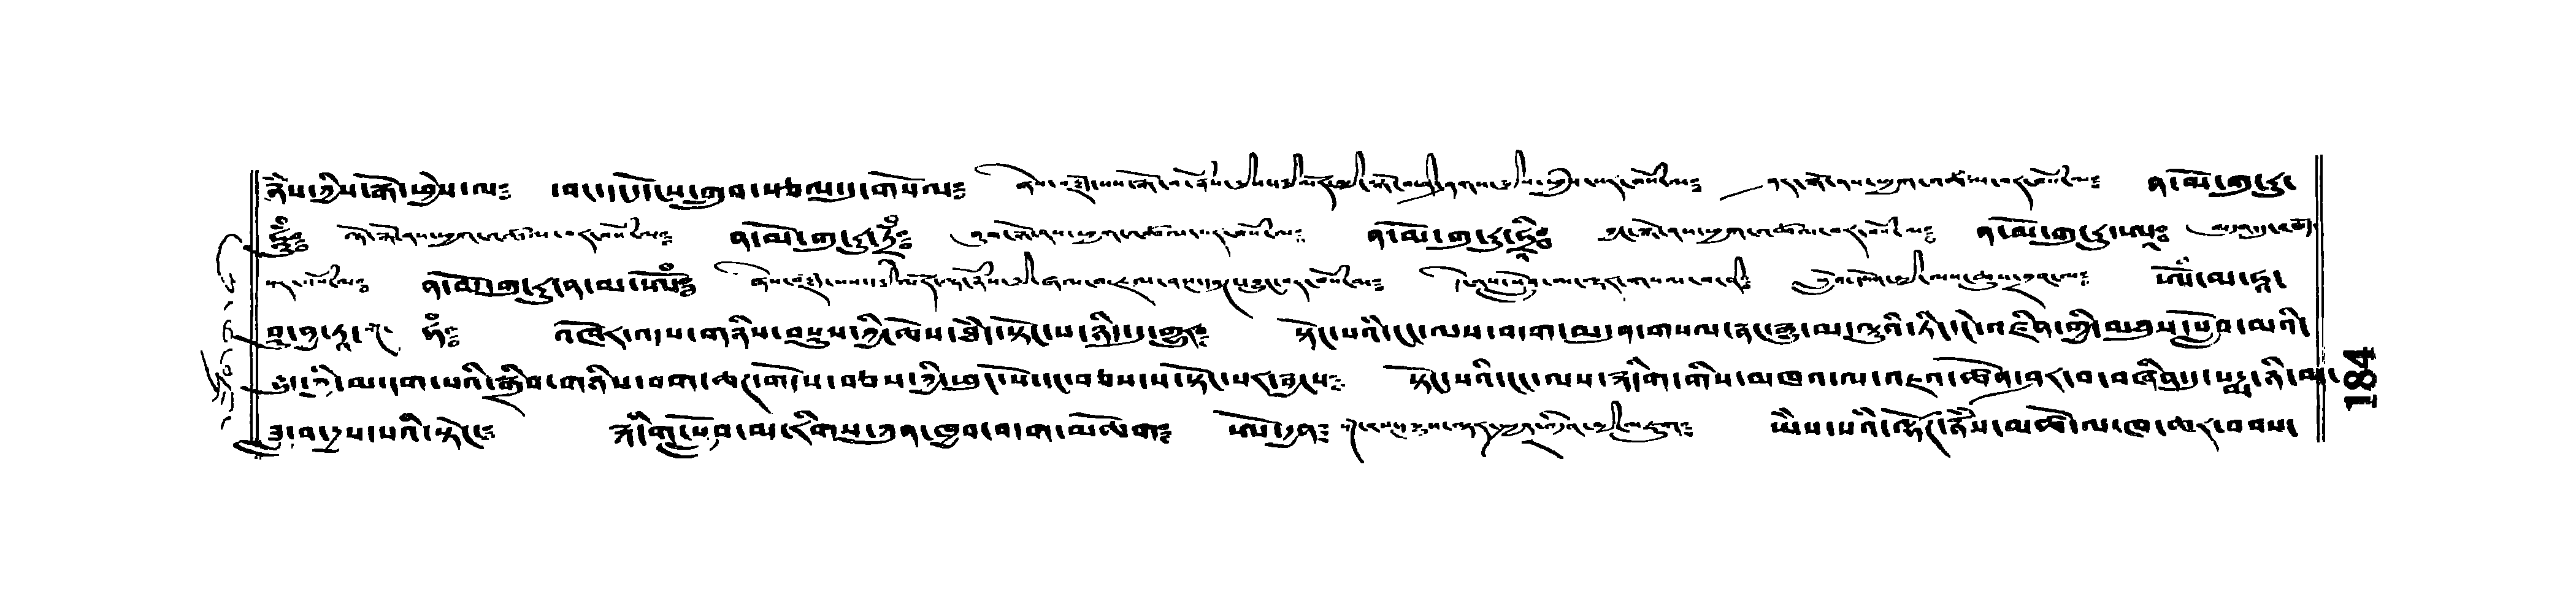རྣམས་ཀྱི་སྒོ་ཕྱེས་ལཿ དབང་དང་དངོས་གྲུབ་བསྩལ་དུ་གསོལ༔ ཞེས་བརྗོད་པས་སྒོ་བ་རྣམས་ཀྱིས་དཀྱིལ་འཁོར་གྱི་སྒོ་བཞི་ཤགས་ཀྱིས་ཕྱེས་པར་བསམ་ལ༔ ཤར་སྒོ་ནས་ཕྱག་འཚལ་བར་བསམ་ལ༔ ན་མོ་གུ་རུ་
ཧྃའུ༔ ལྷོ་སྒོ་ནས་ཕྱག་འཚལ་བར་བསམ་ལ༔ ན་མོ་གུ་རུ་ཏྲཱྃ༔ ནུབ་སྒོ་ནས་ཕྱག་འཚལ་བར་བསམ་ལ༔ ན་མོ་གུ་རུ་ཧྲཱིཿ བྱང་སྒོ་ནས་ཕྱག་འཚལ་བར་བསམ་ལ༔ ན་མོ་གུ་རུ་ཨཱ༔ མདུན་དུ་འཁོར་
པར་བསམ་ལ༔ ན་མོ་གུ་རུ་ན་མ་ཨོཾ༔ ཞེས་བརྗོད་པས་དཀྱིལ་འཁོར་ལྷ་རྣམས་ཀྱི་ཞལ་མཇལ་ནས་དབུགས་འབྱུང་བར་བསམ་ལ༔ དེ་ནས་སློབ་མ་ལྷར་གསལ་བ་ནི༔ སློབ་དཔོན་གྱི་ལས་ཆུས་བྲན་ལ༔ ཨོཾ་མ་ཧཱ་
ཤུ་ནྱ་ཏཱ༴ སོགས། ཧཾཿ འཁོར་འདས་གཉིས་བསྡུས་ཀྱི་ཆོས་ཐམས་ཅད་སྟོང་པ་ཉིད་དུ་གྱུར༔ སྟོང་པའི་ངང་ལས་བདག་མདུན་གསལ་སྣང་སྒྱུ་མ་ད་ལྟུའི་ཏིང་ངེ་འཛིན་གྱི་མཐུས་སློབ་མའི་
རྒྱུད་ཀྱི་མ་དག་པའི་སྒྲིབ་གཉིས་བག་ཆགས་གདོས་བཅས་ཀྱིད་ཕུང་སོ་དང་བཅས་པ་སྟོང་པར་སྦྱངས་ སྟོང་པའི་ངང་ལས་སྐད་ཅིག་གིས་མཁའ་ལ་འཇའ་ཚོན་ཤར་བ་བཞིན་དུ་པདྨ་ཉི་མ་
ཟླ་བ་རྒྱས་པའི་སྟེང༔ སྐད་ཅིག་སློབ་མ་རིགས་ཀུན་ཁྱབ་བདག་མཆོག༔ ཨོ་རྒྱན༴ སོགས་ནས་དཀྱུས་ལྟར་སྤྱན་འདྲེན་གྱི་མཇུག༔ ཡེ་ཤེས་པའི་ལྷ་ཚོགས་རྣམས་མཚོ་ལ་ཁ་ཆར་བབས་